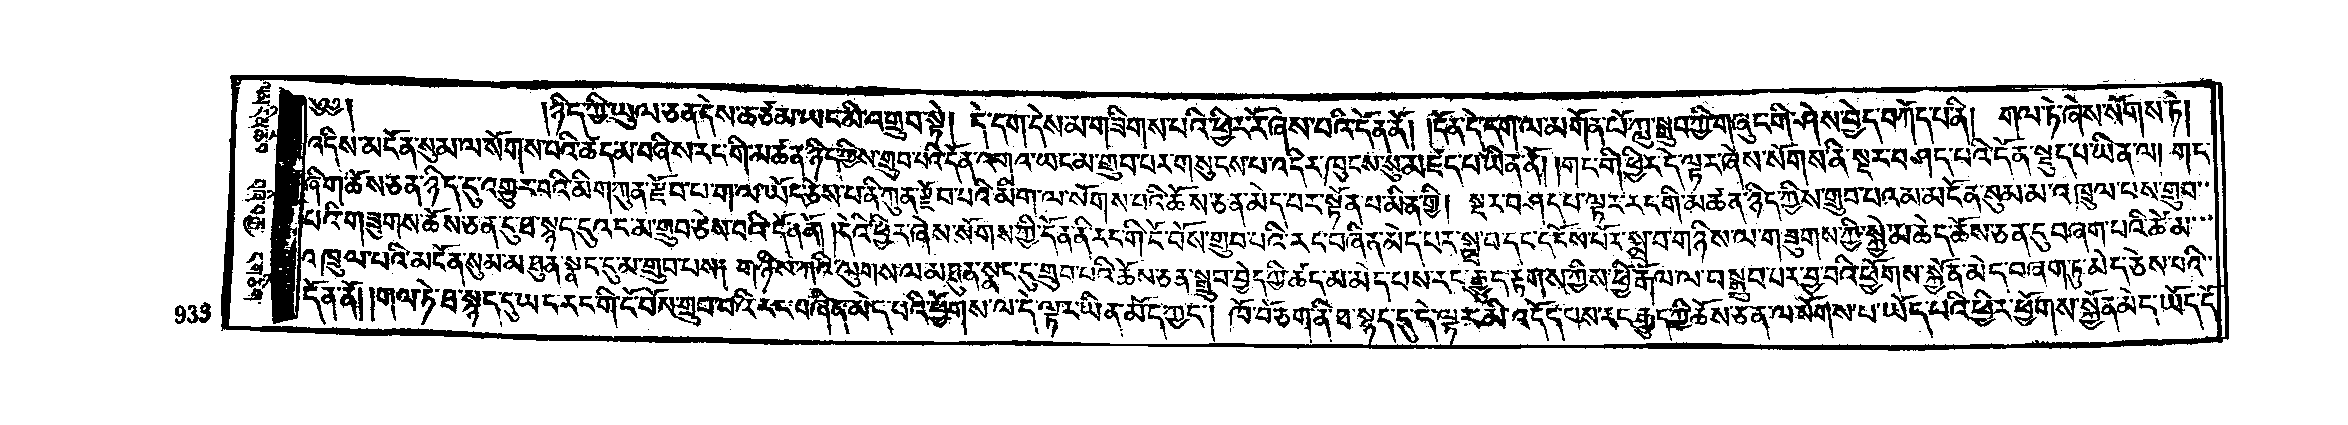༄༅། །ཉིད་ཀྱི་ཡུལ་ཅན་དེས་ཆ་ཙམ་ཡང་མི་འགྲུབ་སྟེ། དེ་དག་དེས་མ་གཟིགས་པའི་ཕྱིར་རོ་ཞེས་པའི་དོན་ནོ། །དོན་དེ་དག་ལ་མགོན་པོ་ཀླུ་སྒྲུབ་ཀྱི་གཞུང་གི་ཤེས་བྱེད་བཀོད་པ་ནི། གལ་ཏེ་ཞེས་སོགས་ཏེ།
འདིས་མངོན་སུམ་ལ་སོགས་པའི་ཚད་མ་བཞིས་རང་གི་མཚན་ཉིད་ཀྱིས་གྲུབ་པའི་དོན་འགའ་ཡང་མ་གྲུབ་པར་གསུངས་པ་འདིར་ཁུངས་སུ་མཛད་པ་ཡིན་ནོ། །གང་གི་ཕྱིར་དེ་ལྟར་ཞེས་སོགས་ནི་སྔར་བཤད་པའི་དོན་སྡུད་པ་ཡིན་ལ། གང་
ཞིག་ཆོས་ཅན་ཉིད་དུ་འགྱུར་བའི་མིག་ཀུན་རྫོབ་པ་ག་ལ་ཡོད་ཅེས་པ་ནི་ཀུན་རྫོབ་པའི་མིག་ལ་སོགས་པའི་ཆོས་ཅན་མེད་པར་སྟོན་པ་མིན་གྱི། སྔར་བཤད་པ་ལྟར་རང་གི་མཚན་ཉིད་ཀྱིས་གྲུབ་པའམ་མངོན་སུམ་མ་འཁྲུལ་བས་གྲུབ་
པའི་གཟུགས་ཆོས་ཅན་དུ་ཐ་སྙད་དུའང་མ་གྲུབ་ཅེས་པའི་དོན་ནོ། །དེའི་ཕྱིར་ཞེས་སོགས་ཀྱི་དོན་ནི་རང་གི་ངོ་བོས་གྲུབ་པའི་རང་བཞིན་མེད་པར་སྨྲ་བ་དང་དངོས་པོར་སྨྲ་བ་གཉིས་ལ་གཟུགས་ཀྱི་སྐྱེ་མཆེད་ཆོས་ཅན་དུ་བཞག་པའི་ཚེ་མ་
འཁྲུལ་པའི་མངོན་སུམ་མཐུན་སྣང་དུ་མ་གྲུབ་པས། གཉིས་ཀའི་ལུགས་ལ་མཐུན་སྣང་དུ་གྲུབ་པའི་ཆོས་ཅན་སྒྲུབ་བྱེད་ཀྱི་ཚད་མ་མེད་པས་རང་རྒྱུད་རྟགས་ཀྱིས་ཕྱི་རྒོལ་ལ་བསྒྲུབ་པར་བྱ་བའི་ཕྱོགས་སྐྱོན་མེད་བཞག་ཏུ་མེད་ཅེས་པའི་
དོན་ནོ། །གལ་ཏེ་ཐ་སྙད་དུ་ཡང་རང་གི་ངོ་བོས་གྲུབ་པའི་རང་བཞིན་མེད་པའི་ཕྱོགས་ལ་དེ་ལྟར་ཡིན་མོད་ཀྱང་། ཁོ་བོ་ཆག་ནི་ཐ་སྙད་དུ་དེ་ལྟར་མི་འདོད་པས་རང་རྒྱུད་ཀྱི་ཆོས་ཅན་ལ་སོགས་པ་ཡོད་པའི་ཕྱིར་ཕྱོགས་སྐྱོན་མེད་ཡོད་དོ་